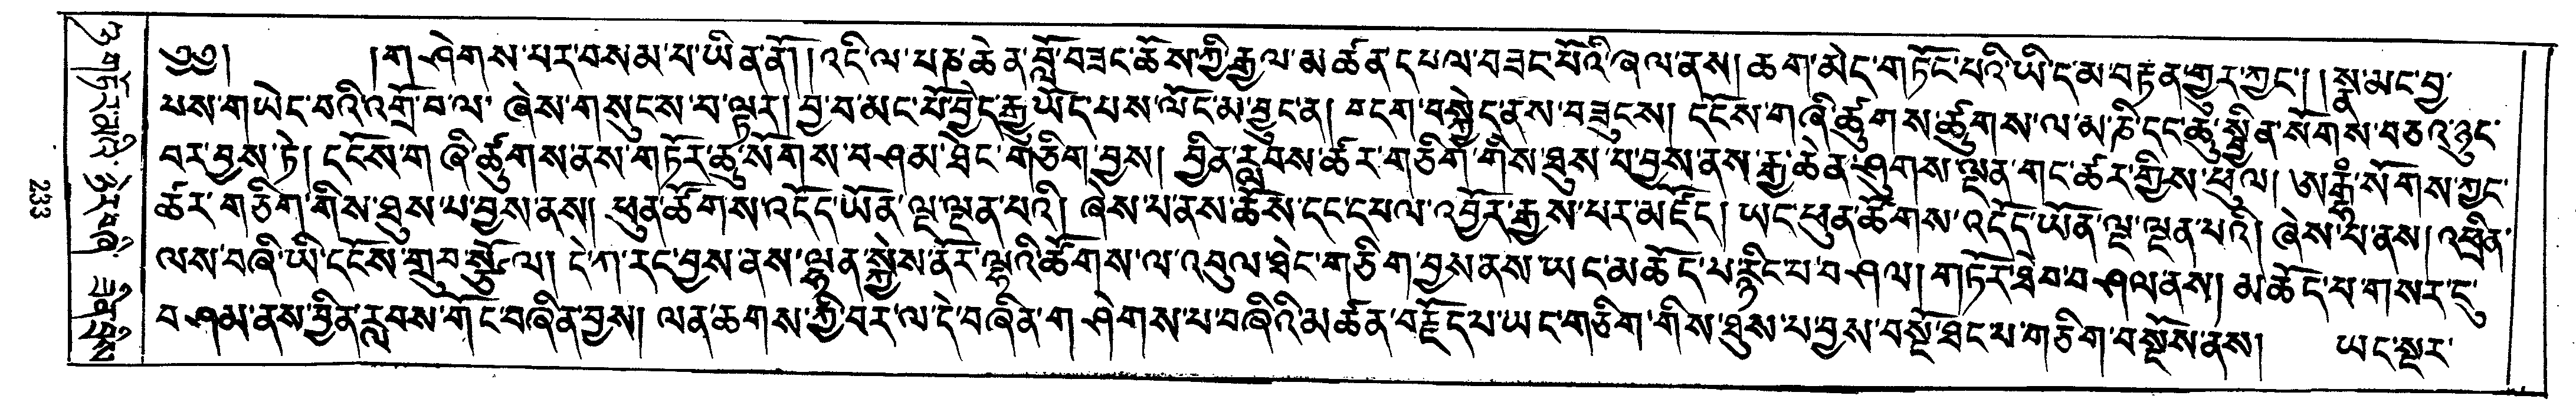༄༅། །གཤེགས་པར་བསམ་པ་ཡིན་ནོ། །འདི་ལ་པཎ་ཆེན་བློ་བཟང་ཆོས་ཀྱི་རྒྱལ་མཚན་དཔལ་བཟང་པོའི་ཞལ་ནས། ཆག་མེད་གཏོང་བའི་ཡི་དམ་བརྟན་གྱུར་ཀྱང་། །སྣ་མང་བྱ་
བས་གཡེང་བའི་འགྲོ་བ་ལ། ཞེས་གསུངས་པ་ལྟར། བྱ་བ་མང་པོ་བྱེད་རྒྱུ་ཡོད་པས་ལོང་མ་བྱུང་ན། བདག་བསྐྱེད་ནས་བཟུངས། དངོས་གཞི་ཚུགས་ཚུགས་ལ་མ་ཎི་དང་ཆུ་སྦྱིན་སོགས་བཅའ་ཉུང་
བར་བྱས་ཏེ། དངོས་གཞི་ཚུགས་ནས་གཏོར་ཆུ་སོགས་བཤམ་ཐང་གཅིག་བྱས། བྱིན་རླབས་ཚར་གཅིག་གིས་ཐུས་པ་བྱས་ནས་རྒྱ་ཆེན་ཤུགས་ལྡན་གང་ཚར་གྱིས་ཕུལ། ཨརྒྷཾ་སོགས་ཀྱང་
ཚར་གཅིག་གིས་ཐུས་པ་བྱས་ནས། ཕུན་ཚོགས་འདོད་ཡོན་ལྔ་ལྡན་པའི། ཞེས་པ་ནས་ཆོས་དང་དཔལ་འབྱོར་རྒྱས་པར་མཛོད། ཡང་ཕུན་ཚོགས་འདོད་ཡོན་ལྔ་ལྡན་པའི། ཞེས་པ་ནས། འཕྲིན་
ལས་བཞི་ཡིད་དངོས་གྲུབ་སྩོལ། དེ་ཀ་རང་བྱས་ནས་ལྷན་སྐྱེས་ནོར་ལྷའི་ཚོགས་ལ་འབུལ་ཐེང་གཅིག་བྱས་ནས་ཡང་མཆོད་པ་རྙིང་བ་བཤལ། གཏོར་ཐེབ་བཤལ་ནས། མཆོད་པ་གསར་དུ་
བཤམ་ནས་བྱིན་རླབས་གོང་བཞིན་བྱས། ལན་ཆགས་ཀྱི་བར་ལ་དེ་བཞིན་གཤེགས་པ་བཞིའི་མཚན་བརྗོད་པ་ཡང་གཅིག་གིས་ཐུས་པ་བྱས་བསྡོ་ཐེང་བ་གཅིག་བསྡོས་ནས། ཡང་སྔར་